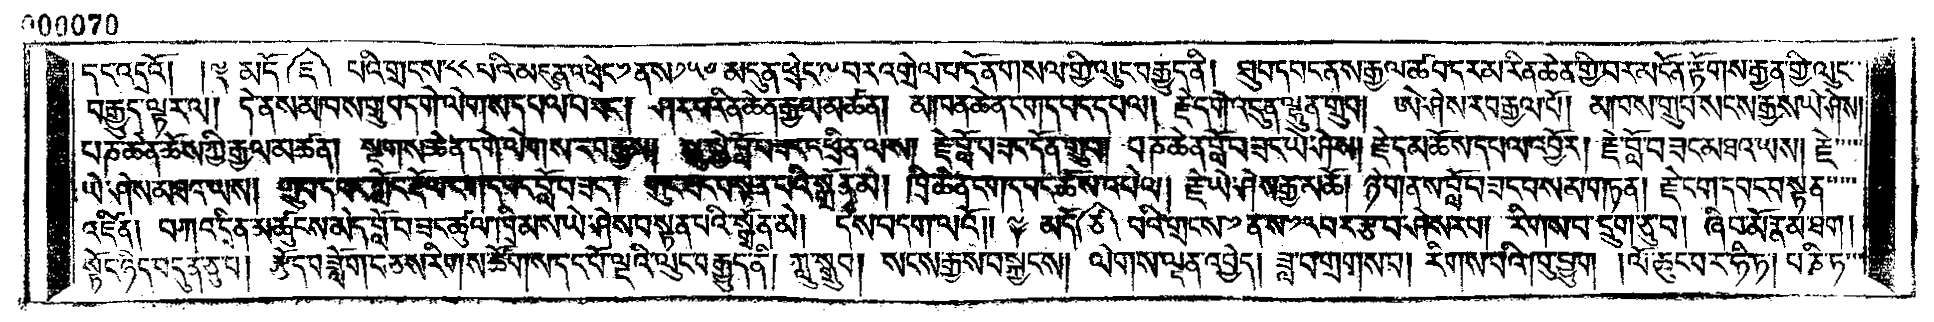དང་འདྲའོ། །༈ མདོ ༼ཇ༽ པའི་གྲངས ༨༨་པའི་མདུན་འཕྲེང ༡་ནས ༡༥༤་མདུན་ཕྲེང ༩་བར་འགྲེལ་པ་དོན་གསལ་གྱི་ལུང་བརྒྱུད་ནི། ཐུབ་དབང་ནས་རྒྱལ་ཚབ་དར་མ་རིན་ཆེན་གྱི་བར་མངོན་རྟོགས་རྒྱན་གྱི་ལུང་
བརྒྱུད་ལྟར་ལ། དེ་ནས་མཁས་གྲུབ་དགེ་ལེགས་དཔལ་བཟང་། ཤར་བ་རིན་ཆེན་རྒྱལ་མཚན། མཁན་ཆེན་ངག་དབང་དཔལ། རྗེ་དགེ་འདུན་ལྷུན་གྲུབ། ཨེ་ཤེས་རབ་རྒྱལ་པོ། མཁས་གྲུབ་སངས་རྒྱས་ཡེ་ཤེས།
པཎ་ཆེན་ཆོས་ཀྱི་རྒྱལ་མཚན། སྔགས་ཆེན་དགེ་ལེགས་རབ་རྒྱས། སྐུ་སྐྱེ་བློ་བཟང་འཕྲིན་ལས། རྗེ་བློ་བཟང་དོན་གྲུབ། པཎ་ཆེན་བློ་བཟང་ཡེ་ཤེས། རྗེ་དམ་ཆོས་དཔལ་འབྱོར། རྗེ་བློ་བཟང་མཐའ་ཡས། རྗེ་
ཡེ་ཤེས་མཐའ་ཡས། གྲུབ་དབང་ཀློང་རྡོལ་ངག་དབང་བློ་བཟང་། གུང་ཐང་བསྟན་པའི་སྒྲོན་མེ། ཁྲི་ཆེན་ངག་དབང་ཆོས་འཕེལ། རྗེ་ཡེ་ཤེས་རྒྱ་མཚོ། ཉེ་གནས་བློ་བཟང་བསམ་གཏན། རྗེ་ངག་དབང་བསྟན་
འཛིན། བཀའ་དྲིན་མཚུངས་མེད་བློ་བཟང་ཚུལ་ཁྲིམས་ཡེ་ཤེས་བསྟན་པའི་སྒྲོན་མེ། དེས་བདག་ལའོ།། ༈ མདོ ༼ཙ༽ པའི་གྲངས ༡་ནས ༡༢་བར་རྩ་བ་ཤེས་རབ། རིགས་པ་དྲུག་ཅུ་བ། ཞིབ་མོ་རྣམ་ཐག།
སྟོང་ཉིད་བདུན་ཅུ་པ། རྩོད་བཟློག་བཅས་རིགས་ཚོགས་དང་པོ་ལྔའི་ལུང་བརྒྱུད་ནི། ཀླུ་སྒྲུབ། སངས་རྒྱས་བསྐྱངས། ལེགས་ལྡན་འབྱེད། ཟླ་བ་གྲགས་པ། རིགས་པའི་ཁུ་བྱུག །ལོ་ཆུང་བ་ར་ཧི་ཏ། པཎྚི་ཏ་